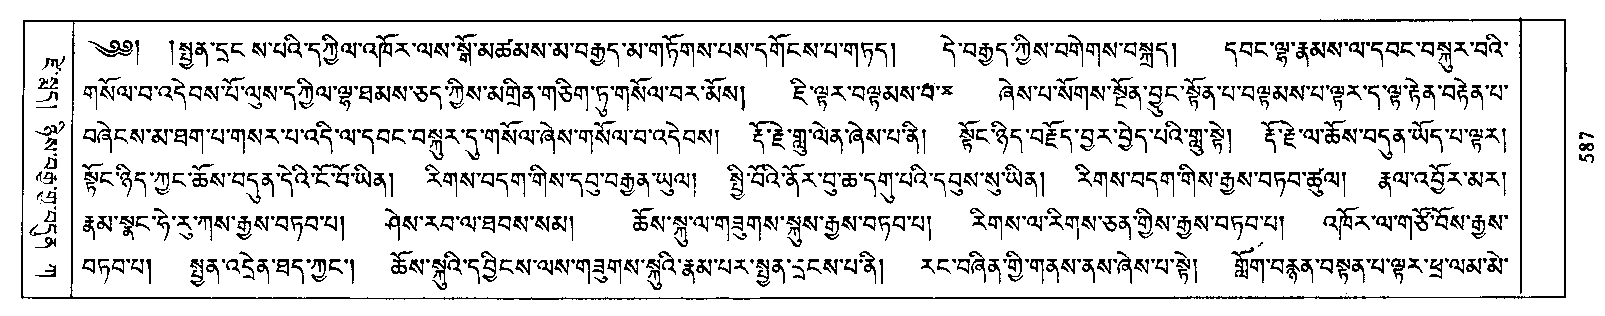༄༅། །སྤྱན་དྲངས་པའི་དཀྱིལ་འཁོར་ལས་སྒོ་མཚམས་མ་བརྒྱད་མ་གཏོགས་པས་དགོངས་པ་གཏད། དེ་བརྒྱད་ཀྱིས་བགེགས་བསྐྲད། དབང་ལྷ་རྣམས་ལ་དབང་བསྐུར་བའི་
གསོལ་བ་འདེབས་པོ་ལུས་དཀྱིལ་ལྷ་ཐམས་ཅད་ཀྱིས་མགྲིན་གཅིག་ཏུ་གསོལ་བར་མོས། ཇི་ལྟར་བལྟམས་པ་྾་ཞེས་པ་སོགས་སྔོན་བྱུང་སྟོན་པ་བལྟམས་པ་ལྟར་ད་ལྟ་རྟེན་བརྟེན་པ་
བཞེངས་མ་ཐག་པ་གསར་པ་འདི་ལ་དབང་བསྐུར་དུ་གསོལ་ཞེས་གསོལ་བ་འདེབས། རྡོ་རྗེ་གླུ་ལེན་ཞེས་པ་ནི། སྟོང་ཉིད་བརྗོད་བྱར་བྱེད་པའི་གླུ་སྟེ། རྡོ་རྗེ་ལ་ཆོས་བདུན་ཡོད་པ་ལྟར།
སྟོང་ཉིད་ཀྱང་ཆོས་བདུན་དེའི་ངོ་བོ་ཡིན། རིགས་བདག་གིས་དབུ་བརྒྱན་ཡུལ། སྤྱི་བོའི་ནོར་བུ་ཆ་དགུ་པའི་དབུས་སུ་ཡིན། རིགས་བདག་གིས་རྒྱས་བཏབ་ཚུལ། རྣལ་འབྱོར་མར།
རྣམ་སྣང་ཧེ་རུ་ཀས་རྒྱས་བཏབ་པ། ཤེས་རབ་ལ་ཐབས་སམ། ཆོས་སྐུ་ལ་གཟུགས་སྐུས་རྒྱས་བཏབ་པ། རིགས་ལ་རིགས་ཅན་གྱིས་རྒྱས་བཏབ་པ། འཁོར་ལ་གཙོ་བོས་རྒྱས་
བཏབ་པ། སྤྱན་འདྲེན་ཐད་ཀྱང་། ཆོས་སྐུའི་དབྱིངས་ལས་གཟུགས་སྐུའི་རྣམ་པར་སྤྱན་དྲངས་པ་ནི། རང་བཞིན་གྱི་གནས་ནས་ཞེས་པ་སྟེ། གློག་བརྙན་བསྟན་པ་ལྟར་ཕྲ་ལམ་མེ་